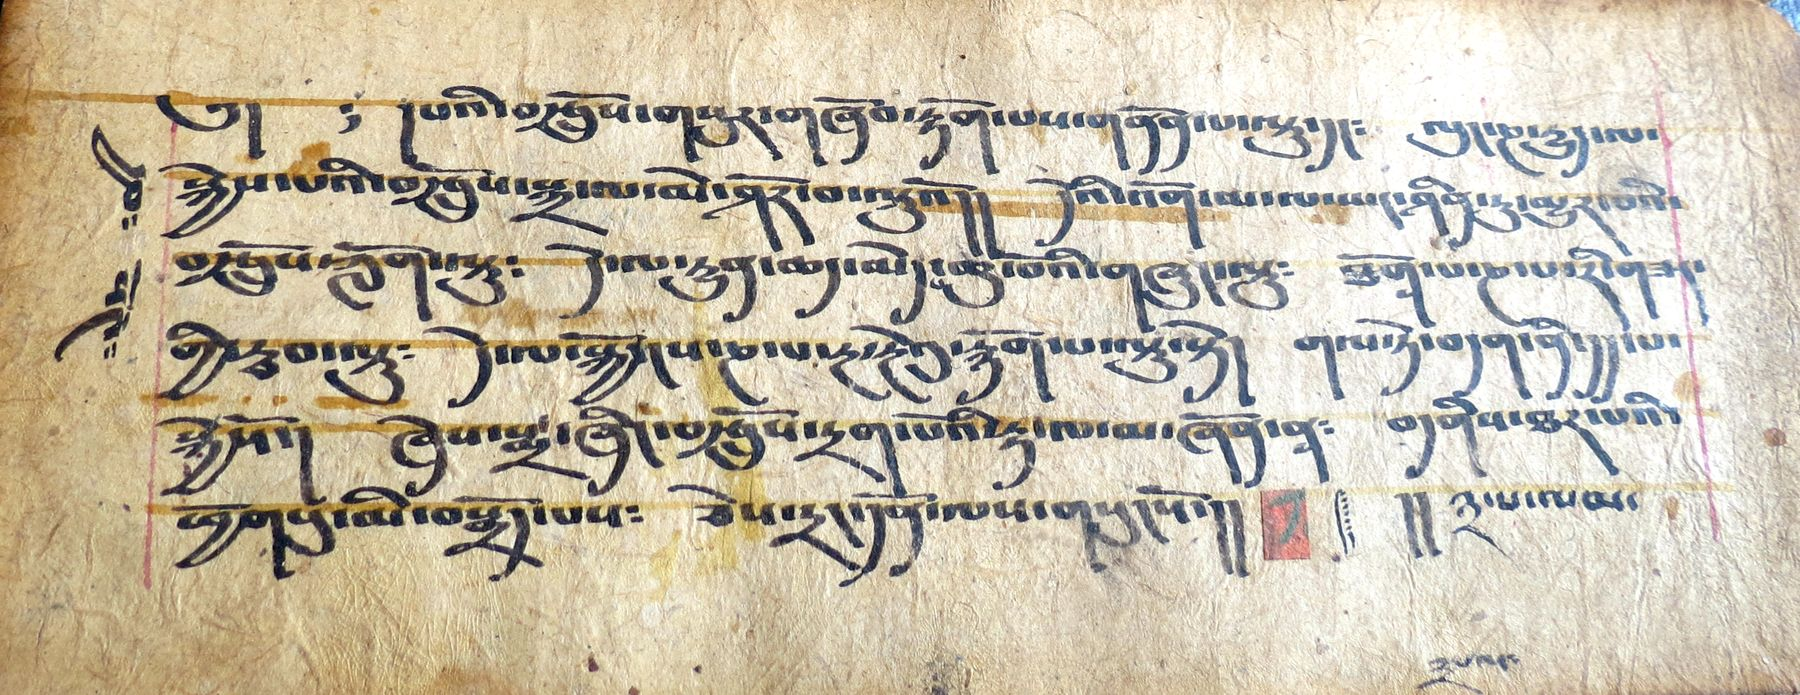བའི་བརྩོན་འགྲུས། གསུར་གཞོབ་ལྡོག་པས་གནོན་པ་ལྟ་བུ། ལོང་མེད་རྒྱུད་ལ་
སྐྱེ་བའི་བརྩོན་འགྲུས་སྐྲ་ལ་མེ་ཤོར་བ་ལྟ་བུའོ། དེ་ཡི་འོག་མ་ལ་ཡང་ཤིན་ཏུ་མྱུར་བའི་
བརྩོན་འགྲུས་གློག་ལྟ་བུ། དེ་ལ་རྒྱུན་ཆད་མེད་པ་ཆུ་བོའི་གཞུང་ལྟ་བུ། ཐོགས་པ་མེད་པ་རི་གཟར་
གྱི་རྦབ་ལྟ་བུ། དེ་ལ་སྐྱོ་ངལ་མེད་པ་རྔ་མོང་རྔེའུ་སྙོགས་པ་ལྟ་བུ་སྟེ། གལ་ཏེ་བདག་ནི་དད་པ་
སྐྱེས་སོ། ཞེས་སྨྲས་ཤིང་བརྩོན་འགྲུས་དྲག་པོའི་རྟ་ལ་མ་ཞོན་ན། བདག་གིས་ཐར་པའི་
ཕྱོགས་སུ་མི་བགྲོད་པས། ཞེས་དྲང་དོན་ལས་གསུངས་སོ། ། གསུམ་པ་ལམ་